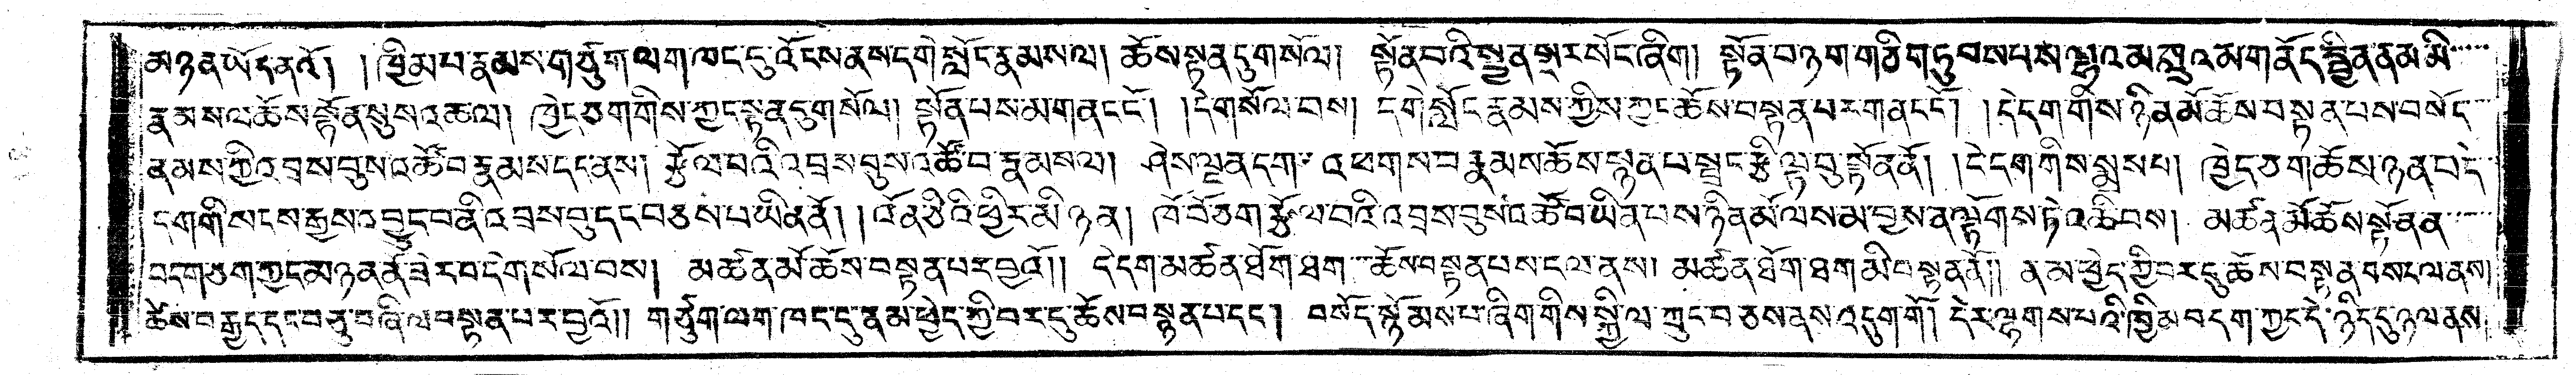མཉན་ཡོད་ནའོ། །ཁྱིམ་པ་རྣམས་གཙུག་ལག་ཁང་དུ་འོངས་ནས་དགེ་སློང་རྣམས་ལ། ཆོས་སྟན་དུ་གསོལ། སྟོན་པའི་སྤྱན་སྔར་སོང་ཞིག། སྟོན་བ་ཉག་གཅིག་ཏུ་བསབས་ལྷའམ་ཀླུའམ་གནོད་སྦྱིན་ནམ་མི་
རྣམས་ལ་ཆོས་སྟོན་སུས་འཆལ། ཁྱེད་ཅག་གིས་ཀྱང་སྟན་དུ་གསོལ། སྟོན་པས་མ་གནང་ངོ། །དེ་གསོལ་བས། དགེ་སློང་རྣམས་ཀྱིས་ཀྱང་ཆོས་བསྟན་པར་གནང་ངོ། །དེ་དག་གིས་ཉིན་མོ་ཆོས་བསྟན་པས་བསོད་
ནམས་ཀྱི་འབྲས་བུ་ས་འཚོ་བ་རྣམས་དང་ནས། རྩོལ་བའི་འབྲས་བུས་འཚོ་བ་རྣམས་ལ། ཤེས་ལྡན་དག༑ འཕགས་པ་རྣམས་ཆོས་སྙན་པ་སྦྲང་རྩི་ལྟ་བུ་སྟོན་ནོ། །དེ་དག་གིས་སྨྲས་པ། ཁྱེད་ཅག་ཆོས་ཉན་བདེ་
དག་གི་སངས་རྒྱས་འབྱུང་བ་ནི་འབྲས་བུ་དང་བཅས་པ་ཡིན་ནོ། །འོན་ཅིའི་ཕྱིར་མི་ཉན། ཁོ་བོ་ཅག་རྩོལ་བའི་འབྲས་བུས་འཚོ་བ་ཡིན་པས་ཉིན་མོ་ལས་མ་བྱས་ན་ལྟོགས་ཏེ་འཆི་བས། མཚན་མོ་ཆོས་སྟོན་ན་
བདག་ཅག་ཀྱང་མཉན་ནོ་ཟེར་བ་དེ་གསོལ་བས། མཚན་མོ་ཆོས་བསྟན་པར་བྱའོ།། དེ་དག་མཚན་ཐོག་ཐག་ཆོས་བསྟན་པས་ངལ་ནས། མཚན་ཐོག་ཐག་མི་བསྟན་ནོ།། ནམ་ཕྱེད་ཀྱི་བར་དུ་ཆོས་བསྟན་བསང་ལ་ནས།
ཚེས་བརྒྱད་དང་བཅུ་བཞི་ལ་བསྟན་པར་བྱའོ།། གཙུག་ལག་ཁང་དུ་ནམ་ཕྱེད་ཀྱི་བར་དུ་ཆོས་བསྙན་པ་དང་། བསོད་སྙོམས་པ་ཞིག་གིས་སྐྱིལ་ཀྲུང་བཅས་ནས་འདུག་གོ། དེར་ལྷགས་པའི་ཁྱིམ་བདག་ཀྱང་དེ་ཉིད་དུ་ཉལ་ནས་